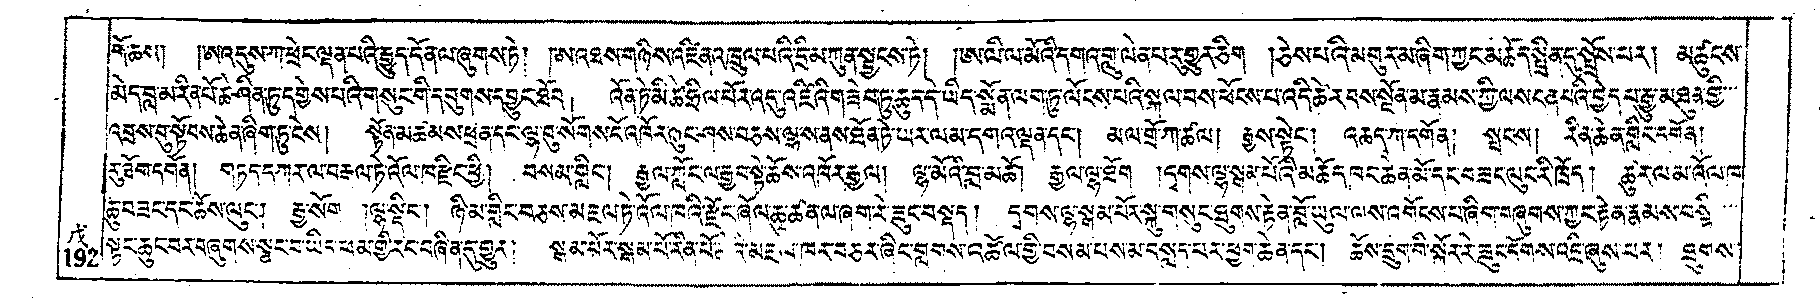གོ་ཆས། །ཨ་འདུས་ཀ་ཕྲེང་ལྡན་པའི་རྒྱུད་དོན་ལ་ཞུགས་ཏེ། །ཨ་འཐས་གཉིས་འཛིན་འཁྲུལ་པའི་དྲི་མ་ཀུན་སྦྱངས་ཏེ། །ཨ་ལི་ལ་མོའི་དགའ་གླུ་ལེན་པ་རུ་གྱུར་ཅིག །ཅེས་པའི་མགུར་མ་ཞིག་ཀྱང་མཆོད་སྤྲིན་དུ་སྤྲོས་པར། མཚུངས་
མེད་བླ་མ་རིན་པོ་ཆེ་ཤིན་ཏུ་དགྱེས་པའི་གསུང་གི་དབུགས་དབྱུང་ཐོབ། འོན་ཏེ་མི་ཚེ་ཧྲིལ་པོར་འདུ་འཛིའི་གཟེབ་ཏུ་ཆུད་དེ་ཡིད་སྨོན་ལག་ཏུ་ལོངས་པའི་སྐལ་བས་ཕོངས་པ་འདི་ཚེ་རབས་སྔོན་མ་རྣམས་ཀྱི་ལས་ངན་པའི་བྱེད་པ་རྒྱུ་མཐུན་གྱི་
འབྲས་བུ་སྟོབས་ཆེན་ཞིག་ཏུ་ངེས། སྟོན་མཚམས་ཕྲན་དང་ལྷ་བུ་སོགས་ངོ་འཁོར་ཉུང་ཤས་བཅས་ལྷ་ས་ནས་ཐོན་ཏེ་ཡར་ལམ་དགའ་ལྡན་དང་། མལ་གྲོ་ཀ་ཚལ། རྒྱས་སྟེང་། འཆད་ཀ་དགོན། སྤང་ས། རིན་ཆེན་གླིང་དགོན།
རུ་ཐོག་དགོན། གཏད་དཀར་ལ་བརྒལ་ཏེ་འོལ་ཁ་རྫིང་ཕྱི། བསམ་གླིང་། རྒྱལ་ཀློང་ལ་རྒྱབ་སྟེ་ཆོས་འཁོར་རྒྱལ། ལྷ་མོའི་བླ་མཚོ། རྒྱལ་ལྷ་ཐོག །དྭགས་ལྷ་སྒམ་པོའི་མཆོད་ཁང་ཆེན་མོ་དང་བཟང་ལུང་རི་ཁྲོད། ཚུར་ལ་མ་འོལ་ཁ་
ཆུ་བཟང་དང་ཆོས་ལུང་། རྒྱ་སོག །ལྷ་སྡིང་། ཉི་མ་གླིང་བཅས་མཇལ་ཏེ་འོལ་ཁའི་རྫོང་ཞོལ་ཆུ་ཚན་ལ་ཞག་རེ་ཟུད་བསྡད། དྭགས་ལྷ་སྒམ་པོར་སྐུ་གསུང་ཐུགས་རྟེན་བློ་ཡུལ་ལས་འགོངས་པ་ཞིག་བཞུགས་ཀྱང་རྟེན་རྣམས་བསྟི་
སྟང་ཆུང་བར་བཞུགས་སྣང་བ་ཡི་ཕམ་གྱི་རང་བཞིན་དུ་གྱུར། སྒམ་པོར་སྒམ་པོ་རིན་པོ་ཆེའི་མཇལ་ཁར་བཅར་ཞིང་གླགས་འཚོལ་གྱི་བསམ་པས་མ་བསླད་པར་ཕྱག་ཆེན་དང་། ཆོས་དྲུག་གི་སྐོར་རེ་ཟུང་དོགས་འདྲི་ཞུས་པར། ཐུགས་